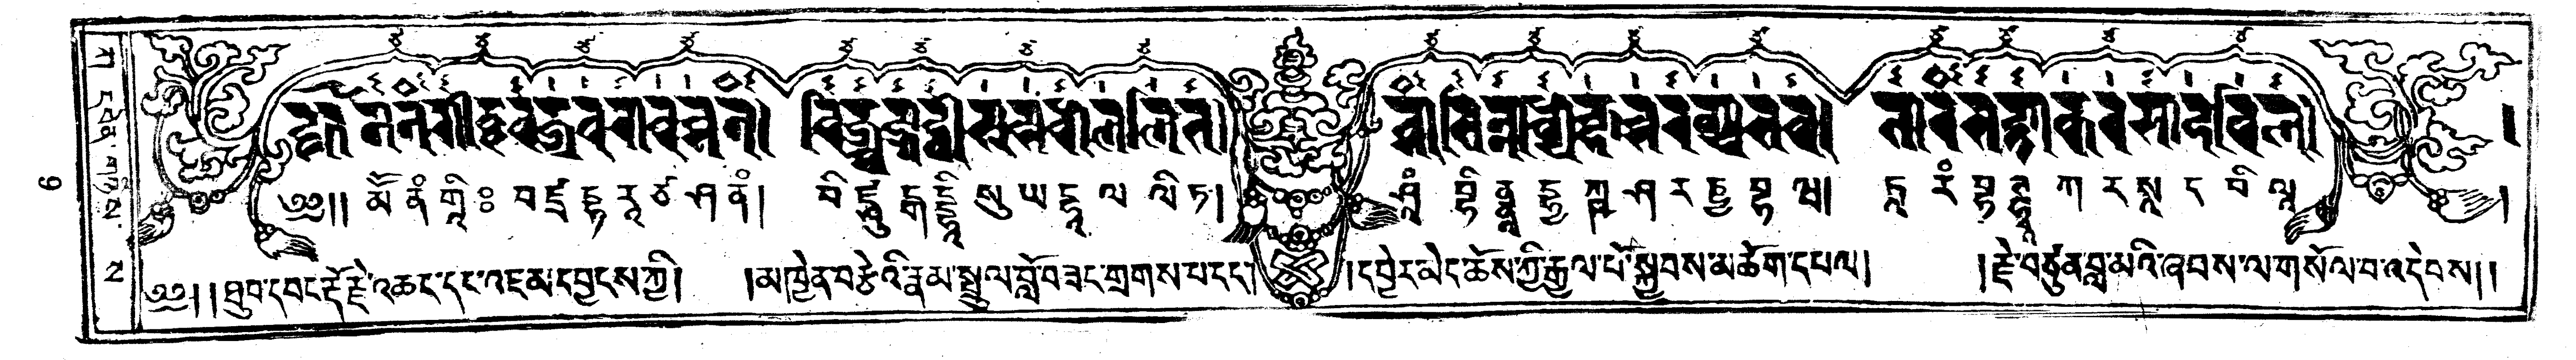༄༅། །མཽ་ནཾ་གཱིཿ བཛྲ་དྷ་རཱ་ཙ་ཤ་ནཾ། བི་ཛྴུ་ངྒ་དྡྷཱི་སུ་ཡ་དྷཱ་ལ་ལི་ཏ། ཤླཾ་བྷི་ནྣཱ་དྷྱ་ཀྵ་ཤ་ར་ཎྱ་བྷ་ཝ། ཏཱ་རཾ་བྷ་ཊྷྭཱ་ཀ་ར་སཱ་ད་བི་ལཱ།
༄༅། །ཐུབ་དབང་རྡོ་རྗེ་འཆང་དང་འཇམ་དབྱངས་ཀྱི། །མཁྱེན་བརྩེའི་རྣམ་སྤྲུལ་བློ་བཟང་གྲགས་པ་དང་། །དབྱེར་མེད་ཆོས་ཀྱི་རྒྱལ་པོ་སྐྱབས་མཆོག་དཔལ། །རྗེ་བཙུན་བླ་མའི་ཞབས་ལ་གསོལ་བ་འདེབས།།